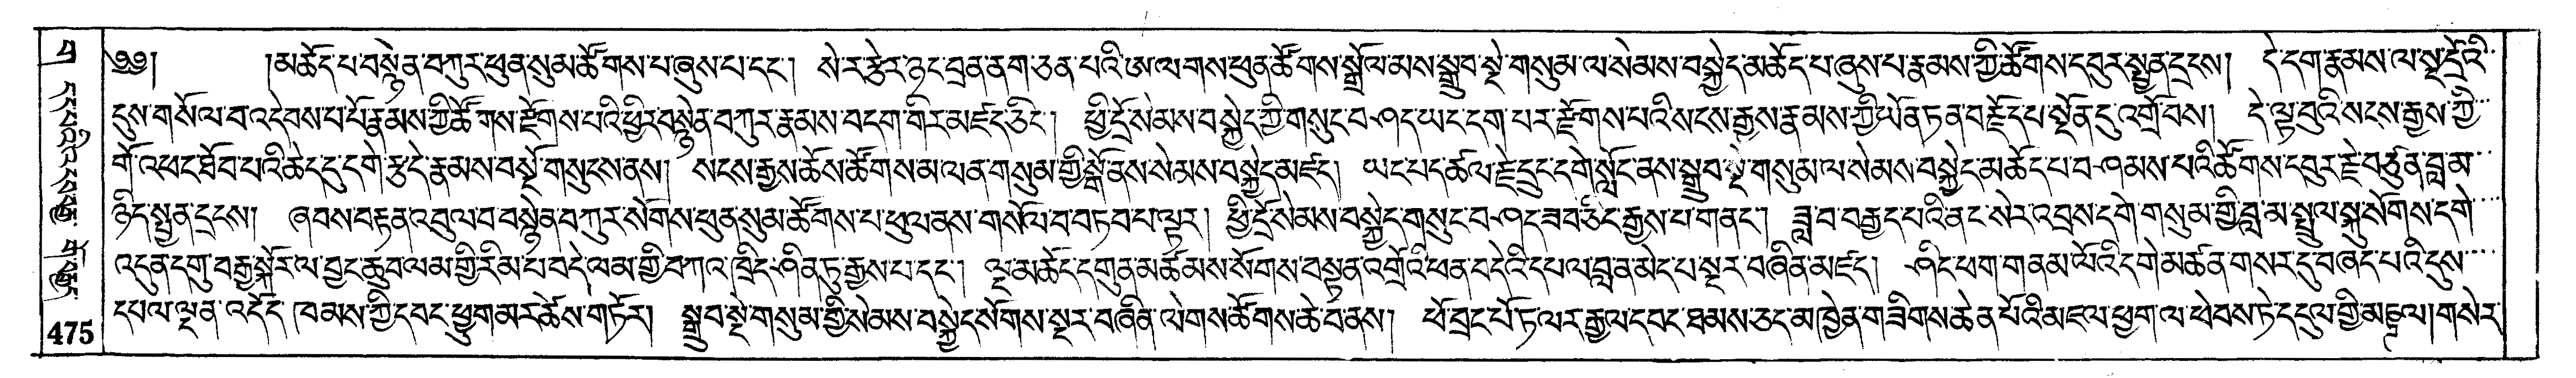༄༅། །མཆོད་པ་བསྙེན་བཀུར་ཕུན་སུམ་ཚོགས་པ་ཞུས་པ་དང་། སེ་ར་རྩེར་ཉང་བྲན་ན་ག་ཅན་པའི་ཨ་ལགས་ཕུན་ཚོགས་སྒྲོལ་མས་སྒྲུབ་སྡེ་གསུམ་ལ་སེམས་བསྐྱེད་མཆོད་པ་ཞུས་པ་རྣམས་ཀྱི་ཚོགས་དབུར་སྤྱན་དྲངས། དེ་དག་རྣམས་ལ་སྔ་དྲོའི་
དུས་གསོལ་བ་འདེབས་པ་པོ་རྣམས་ཀྱི་ཚོགས་རྫོགས་པའི་ཕྱིར་བསྙེན་བཀུར་རྣམས་བདག་གིར་མཛད་ཅིང་། ཕྱི་དྲོ་སེམས་བསྐྱེད་ཀྱི་གསུང་བཤད་ཡང་དག་པར་རྫོགས་པའི་སངས་རྒྱས་རྣམས་ཀྱི་ཡོན་ཏན་བརྗོད་པ་སྔོན་དུ་འགྲོ་བས། དེ་ལྟ་བུའི་སངས་རྒྱས་ཀྱི་
གོ་འཕང་ཐོབ་པའི་ཆེད་དུ་དགེ་རྩ་དེ་རྣམས་བསྔོ་གསུངས་ནས། སངས་རྒྱས་ཆོས་ཚོགས་མ་ལན་གསུམ་གྱི་སྒོ་ནས་སེམས་བསྐྱེད་མཛད། ཡང་པད་ཚལ་རྗེ་དྲུང་དགེ་སློང་ནས་སྒྲུབ་སྡེ་གསུམ་ལ་སེམས་བསྐྱེད་མཆོད་པ་བཤམས་པའི་ཚོགས་དབུར་རྗེ་བཙུན་བླ་མ་
ཉིད་སྤྱན་དྲངས། ཞབས་བརྟན་འབུལ་བ་བསྙེན་བཀུར་སོགས་ཕུན་སུམ་ཚོགས་པ་ཕུལ་ནས་གསོལ་བ་བཏབ་པ་ལྟར། ཕྱི་དྲོ་སེམས་བསྐྱེད་གསུང་བཤད་ཟབ་ཅིང་རྒྱས་པ་གནང་། ཟླ་བ་བརྒྱད་པའི་ནང་སེར་འབྲས་དགེ་གསུམ་གྱི་བླ་མ་སྤྲུལ་སྐུ་སོགས་དགེ་
འདུན་དགུ་བརྒྱ་སྐོར་ལ་བྱང་ཆུབ་ལམ་གྱི་རིམ་པ་བདེ་ལམ་གྱི་བཀའ་ཁྲིད་ཤིན་ཏུ་རྒྱས་པ་དང་། ལྔ་མཆོད་དགུན་མཚམས་སོགས་བསྟན་འགྲོའི་ཕན་བདེའི་དཔལ་བླ་ན་མེད་པ་སྔར་བཞིན་མཛད། ཤིང་ཕག་གནམ་ལོའི་དགེ་མཚན་གསར་དུ་བཞད་པའི་དུས་
དཔལ་ལྡན་འདོད་ཁམས་ཀྱི་དབང་ཕྱུག་མར་ཚེས་གཏོར། སྒྲུབ་སྡེ་གསུམ་གྱི་སེམས་བསྐྱེད་སོགས་སྔར་བཞིན་ལེགས་ཚོགས་ཆེ་བ་ནས། ཕོ་བྲང་པོ་ཏ་ལར་རྒྱལ་དབང་ཐམས་ཅད་མཁྱེན་གཟིགས་ཆེན་པོའི་མཇལ་ཕྱག་ལ་ཕེབས་ཏེ་དངུལ་གྱི་མཎྜལ། གསེར་